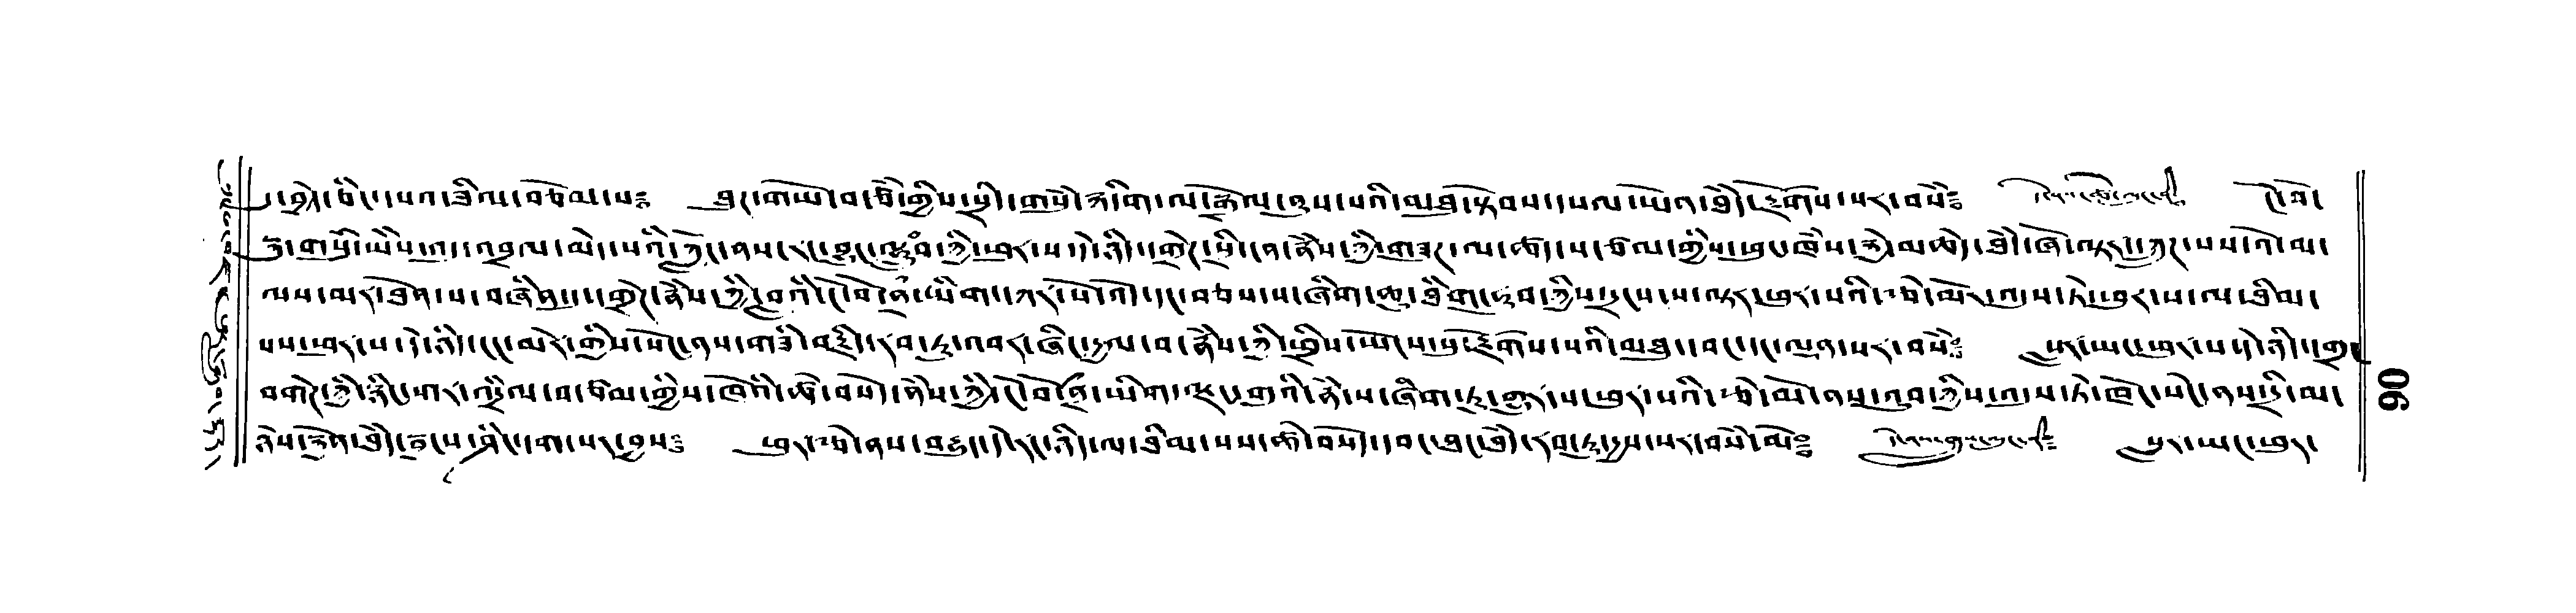དུ་བྱེད་ཅིང་དཔའ་ཟིལ་བཅོམ་པ༔ ཐུགས་གཡོ་བ་ཙམ་གྱིས་སྲིད་གསུམ་སྐད་ཅིག་ལ་སྒྲོལ་ནུས་པའི་མཐུ་སྟོབས་དཔལ་ཡོན་ཐམས་ཅད་རྫོགས་པར་བསམ༔ དེ་ནས་ཚེ་ལུང་ནི༔ ངོ་བོ་
སྐུ་གསུམ་ཡེ་ཤེས་འདུ་འབྲལ་མེད་པའི་ཀློང་ནས་རང་བྱུང་ལྷུན་གྲུབ་ཀྱི་ཕུར་པ་དེ་ཉིད་དགྲ་བགེགས་སྲི་ངན་རྣམས་ཀྱི་གཟུགས་ལ་ཚད་པ་ཙམ་གྱིས་ཕུང་ཁམས་སྐྱེ་མཆེད་ཐམས་ཅད་ཞོ་ལྟར་དཀྲུགས་པས་འོ་མ་
ལས་མར་ཐོན་པ་བཞིན་དུ་དགྲ་བགེགས་རྣམས་ཀྱི་བླའི་ངོ་བོ་ནྲྀ་ཡིག་དཀར་པོ་འོད་དང་བཅས་པ་ཞིག་ཆུ་ཐིག་ཧུབ་ཀྱིས་དྲངས་པ་ལྟར་ཕུར་པའི་རྩེ་མོར་འདུས་ཏེ་ཕུར་པ་ལ་ཐིམ་
པས་ཕུར་པ་དེ་ཉིད་ངང་མེར་གྱིས་སོང་ནས་གཟི་བརྗིད་རབ་ཏུ་འབར་ཞིང་རྒྱལ་བ་རྣམས་ཀྱི་ཕྲིན་ལས་ཡོངས་སུ་རྫོགས་པའི་མཐུ་དབང་དང་ལྡན་པར་བསམ༔ སླར་ཡང་ཕུར་པ་དེ་ཉིད་དགྲ་
བགེགས་ཀྱི་སྙིང་གར་འདྲིལ་བ་ཙམ་གྱིས་ཁོའི་ཚེ་བསོད་ནམས་ཀྱི་ངོ་བོ་ནྲྀ་ཡིག་ལྗང་གུའི་རྣམ་པ་ཞིག་ཏུ་གྱུར་པ་ཕུར་པའི་རྩེ་མོ་ནས་འུབ་ཀྱིས་འདུས་ཏེ་ཁོང་སེང་ནས་དྲི་མ་
ཉེས་སྐྱོན་ཐམས་ཅད་སྦྱངས་ཤིང་དག་པར་བྱས༔ ཕུར་རྩེ་ནས་བརྒྱུད་དེ་རང་ཉིད་ལ་ཐིམ་པས་ཚེ་བསོད་དབང་ཐང་ཐམས་ཅད་རབ་ཏུ་རྒྱས་པར་བསམ་མོ༔ དེ་ནས་ཁྲུས་ལུང་ནི༔ སླར་ཡང་ཕུར་